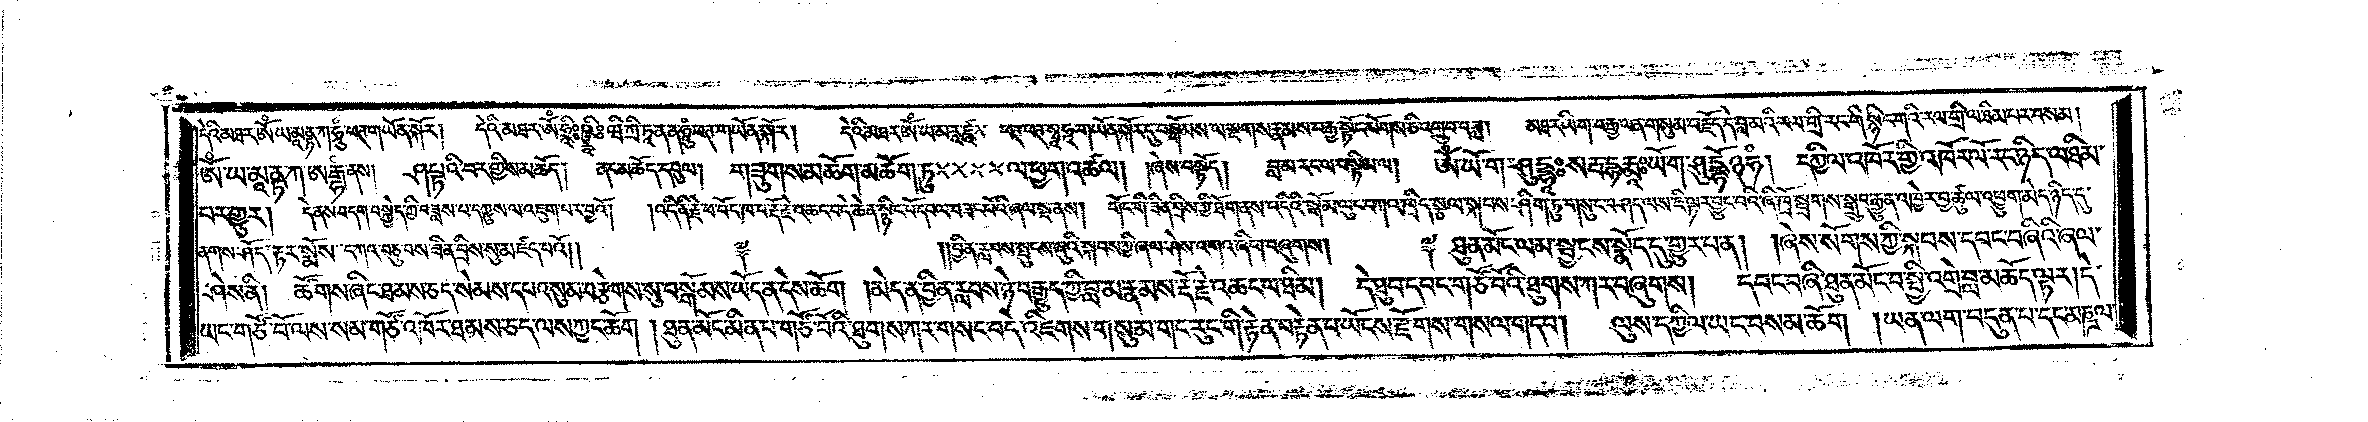དེའི་མཐར་ཨོཾ་ཡ་མཱནྟ་ཀ་ཧཱུཾ་ཕཊ་གཡོན་སྐོར། དེའི་མཐར་ཨོཾ་ཧྲཱིཿཥཊརའིཿཝི་ཀྲི་ཏཱ་ནན་ཧཱུཾ་ཕཊ་གཡོན་སྐོར། དེའི་མཐར་ཨོཾ་ཡ་མ་རཱ་ཛཱ་྾་ཕཊ་ཕཊ་སྭཱཧཱ་གཡོན་སྐོར་དུ་བསྒོམས་ལ་སྔགས་རྣམས་བརྒྱ་སྟོང་སོགས་ཅི་འགྲུབ་བཟླ། མཐར་ཡིག་བརྒྱ་ལན་གསུམ་བརྗོད་དེ་བླ་མའི་རལ་གྲི་རང་གི་སྙིང་གའི་རལ་གྲི་ལ་ཐིམ་པར་བསམ།
ཨོཾ་ཡ་མཱནྟ་ཀ་ཨརྒྷཾ་ནས།  ཤཔྟའི་བར་གྱིས་མཆོད། ནང་མཆོད་དབུལ།  གཟུགས་མཆོག་མཆོག་ཏུ་྾་྾་྾་྾་ལ་ཕྱག་འཚལ། །ཞེས་བསྟོད། བླ་མ་རང་ལ་བསྟིམ་ལ།  ཨོཾ་ཡོ་ག་ཤུདྡྷཱཿསརྦ་དྷརྨཱཿཡོ་ག་ཤུདྡྷོཉཧཾ། དཀྱིལ་འཁོར་གྱི་འཁོར་ལོ་རང་ཉིད་ལ་ཐིམ་
པར་གྱུར། དེ་ནས་བདག་བསྐྱེད་ཀྱི་བཟླས་པ་དཀྱུས་ལ་འཇུག་པར་བྱའོ། །འདི་ནི་རྗེ་ཕ་བོང་ཁ་པ་རྡོ་རྗེ་འཆང་བདེ་ཆེན་སྙིང་པོ་དཔལ་བཟང་པོའི་ཞལ་སྔ་ནས། གོང་གི་ཟིན་བྲིས་ཀྱི་ཐོག་ནས་འདིའི་སྒོམ་ལུང་བཀའ་ཁྲིད་སྩལ་སྐབས་ཤིག་ཏུ་གསུང་བཤད་ལས་ཇི་ལྟར་བྱུང་བའི་ཞི་ཁྲོ་སྦྲགས་སྒྲུབ་རྒྱུན་འཁྱེར་བྱ་ཚུལ་འཕྱུག་མེད་ཉིད་དུ་
ནགས་ཤོད་རྟར་སྨོས་དཀའ་བཅུ་བས་ཟིན་བྲིས་སུ་མཛད་པའོ།། ༈ །།བྱིན་རླབས་སྤུངས་ཞུའི་སྐབས་ཀྱི་ཞལ་ཤེས་འགའ་ཞིག་བཞུགས། ༈ ཐུན་མོང་ལམ་སྦྱངས་སྣོད་དུ་གྱུར་པ་ན། །ཞེས་སོགས་ཀྱི་སྐབས་དབང་བཞིའི་ཞལ་
ཤེས་ནི། ཚོགས་ཞིང་ཐམས་ཅད་སེམས་དཔའ་སུམ་བརྩེགས་སུ་བསྒོམས་ཡོད་ན་དེས་ཆོག །མེད་ན་བྱིན་རླབས་ཉེ་བརྒྱུད་ཀྱི་བླ་མ་རྣམས་རྡོ་རྗེ་འཆང་ལ་ཐིམ། དེ་ཐུབ་དབང་གཙོ་བོའི་ཐུགས་ཀར་བཞུགས། དབང་བཞི་ཐུན་མོང་བ་སྤྱི་འགྲེ་བླ་མཆོད་ལྟར་།དེ་
ཡང་གཙོ་བོ་ལས་སམ་གཙོ་འཁོར་ཐམས་ཅད་ལས་ཀྱང་ཆོག །ཐུན་མོང་མིན་པ་གཙོ་བོའི་ཐུགས་ཀར་གསང་བདེ་འཇིགས་གསུམ་གང་རུང་གི་རྟེན་བརྟེན་པ་ཡོངས་རྫོགས་གསལ་གདབ། ལུས་དཀྱིལ་ཡང་བསམ་ཆོག །ཡན་ལག་བདུན་པ་དང་མཎྜལ་